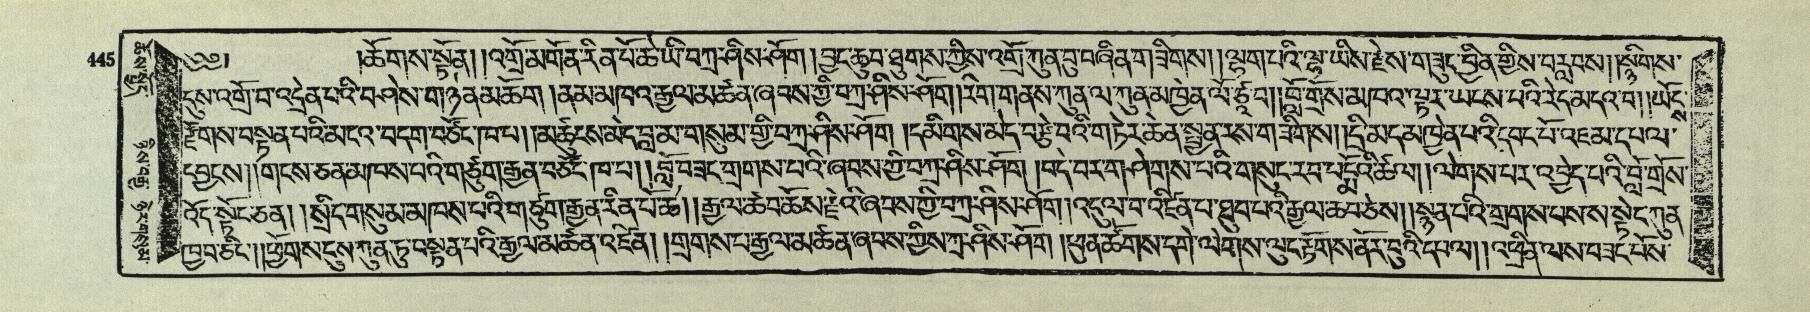༄༅། །ཆོགས་སྟོན། །འགྲོ་མགོན་རིན་པོ་ཆེ་ཡི་བཀྲ་ཤིས་ཤོག །བྱང་ཆུབ་ཐུགས་ཀྱིས་འགྲོ་ཀུན་བུ་བཞིན་གཟིགས། །ལྷག་པའི་ལྷ་ཡིས་རྗེས་གཟུང་བྱིན་གྱིས་བརླབས། །སྙིགས་
དུས་འགྲོ་བ་འདྲེན་པའི་བཤེས་གཉེན་མཆོག །ནམ་མཁའ་རྒྱལ་མཚན་ཞབས་ཀྱི་བཀྲ་ཤིས་ཤོག །རིག་གནས་ཀུན་ལ་ཀུན་མཁྱེན་ལོ་ཙཱ་བ། །བློ་གྲོས་མཁའ་ལྟར་ཡངས་པའི་རེད་མདའ་བ། །ཡོངས་
རྫོགས་བསྟན་པའི་མངའ་བདག་བཙོང་ཁ་པ། །མཚུངས་མེད་བླ་མ་གསུམ་གྱི་བཀྲ་ཤིས་ཤོག །དམིགས་མེད་བརྩེ་བའི་གཏེར་ཆེན་སྤྱན་རས་གཟིགས། །དྲི་མད་མཁྱེན་པའི་དབང་པོ་འཇམ་དཔལ་དབྱངས། །གངས་ཅན་མཁས་པའི་གཙུག་རྒྱན་བཙོང་ཁ་པ། །བློ་བཟང་གྲགས་པའི་ཞབས་ཀྱི་བཀྲ་ཤིས་ཤོག །བདེ་བར་གཤེགས་པའི་གསུང་རབ་པདམོའི་ཚལ། །ལེགས་པར་འབྱེད་པའི་བློ་གྲོས་
འོད་སྟོང་ཅན། །སྲིད་གསུམ་མཁས་པའི་གཙུག་རྒྱན་རིན་པོ་ཆེ། །རྒྱལ་ཚབ་ཆོས་རྗེའི་ཞབས་ཀྱི་བཀྲ་ཤིས་ཤོག །འདུལ་བ་འཛིན་པ་ཐུབ་པའི་རྒྱལ་ཆབ་ཅེས། །སྙན་པའི་གྲགས་པས་ས་སྟེང་ཀུན་
ཁྱབ་ཅིང་། །ཕྱོགས་དུས་ཀུན་ཏུ་བསྟན་པའི་རྒྱལ་མཚན་འཛིན། །གྲགས་པ་རྒྱལ་མཚན་ཞབས་ཀྱིས་བཀྲ་ཤིས་ཤོག །ཕུན་ཚོགས་དགེ་ལེགས་ལུང་རྟོགས་ནོར་བུའི་དཔལ། །འཕྲིན་ལས་བཟང་པོས་